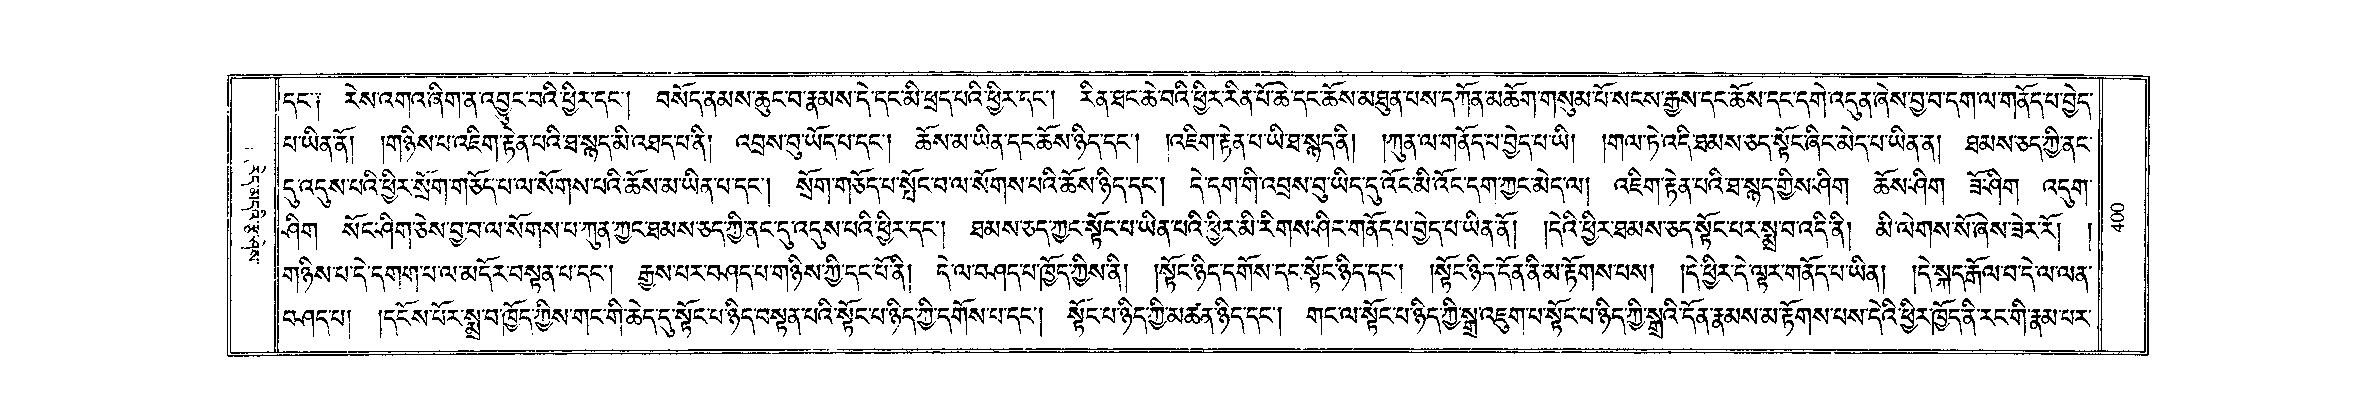དང༑ རེས་འགའ་ཞིག་ན་འབྱུང་བའི་ཕྱིར་དང་། བསོད་ནམས་ཆུང་བ་རྣམས་དེ་དང་མི་ཕྲད་པའི་ཕྱིར་དང་། རིན་ཐང་ཆེ་བའི་ཕྱིར་རིན་པོ་ཆེ་དང་ཆོས་མཐུན་པས་དཀོན་མཆོག་གསུམ་པོ་སངས་རྒྱས་དང་ཆོས་དང་དགེ་འདུན་ཞེས་བྱ་བ་དག་ལ་གནོད་པ་བྱེད་
པ་ཡིན་ནོ། །གཉིས་པ་འཇིག་རྟེན་པའི་ཐ་སྙད་མི་འཐད་པ་ནི། འབྲས་བུ་ཡོད་པ་དང་། ཆོས་མ་ཡིན་དང་ཆོས་ཉིད་དང་། །འཇིག་རྟེན་པ་ཡི་ཐ་སྙད་ནི། །ཀུན་ལ་གནོད་པ་བྱེད་པ་ཡི། །གལ་ཏེ་འདི་ཐམས་ཅད་སྟོང་ཞིང་མེད་པ་ཡིན་ན། ཐམས་ཅད་ཀྱི་ནང་
དུ་འདུས་པའི་ཕྱིར་སྲོག་གཅོད་པ་ལ་སོགས་པའི་ཆོས་མ་ཡིན་པ་དང་། སྲོག་གཅོད་པ་སྤོང་བ་ལ་སོགས་པའི་ཆོས་ཉིད་དང་། དེ་དག་གི་འབྲས་བུ་ཡིད་དུ་འོང་མི་འོང་དག་ཀྱང་མེད་ལ། འཇིག་རྟེན་པའི་ཐ་སྙད་གྱིས་ཤིག་ཆོས་ཤིག་ཟོ་ཤིག་འདུག་
ཤིག་སོང་ཤིག་ཅེས་བྱ་བ་ལ་སོགས་པ་ཀུན་ཀྱང་ཐམས་ཅད་ཀྱི་ནང་དུ་འདུས་པའི་ཕྱིར་དང་། ཐམས་ཅད་ཀྱང་སྟོང་པ་ཡིན་པའི་ཕྱིར་མི་རིགས་ཤིང་གནོད་པ་བྱེད་པ་ཡིན་ནོ། །དེའི་ཕྱིར་ཐམས་ཅད་སྟོང་པར་སྨྲ་བ་འདི་ནི། མི་ལེགས་སོ་ཞེས་ཟེར་རོ། །
གཉིས་པ་དེ་དགག་པ་ལ་མདོར་བསྟན་པ་དང་། རྒྱས་པར་བཤད་པ་གཉིས་ཀྱི་དང་པོ་ནི། དེ་ལ་བཤད་པ་ཁྱོད་ཀྱིས་ནི། །སྟོང་ཉིད་དགོས་དང་སྟོང་ཉིད་དང་། །སྟོང་ཉིད་དོན་ནི་མ་རྟོགས་པས། །དེ་ཕྱིར་དེ་ལྟར་གནོད་པ་ཡིན། །དེ་སྐད་རྒོལ་བ་དེ་ལ་ལན་
བཤད་པ། །དངོས་པོར་སྨྲ་བ་ཁྱོད་ཀྱིས་གང་གི་ཆེད་དུ་སྟོང་པ་ཉིད་བསྟན་པའི་སྟོང་པ་ཉིད་ཀྱི་དགོས་པ་དང་། སྟོང་པ་ཉིད་ཀྱི་མཚན་ཉིད་དང་། གང་ལ་སྟོང་པ་ཉིད་ཀྱི་སྒྲ་འཇུག་པ་སྟོང་པ་ཉིད་ཀྱི་སྒྲའི་དོན་རྣམས་མ་རྟོགས་པས་དེའི་ཕྱིར་ཁྱོད་ནི་རང་གི་རྣམ་པར་